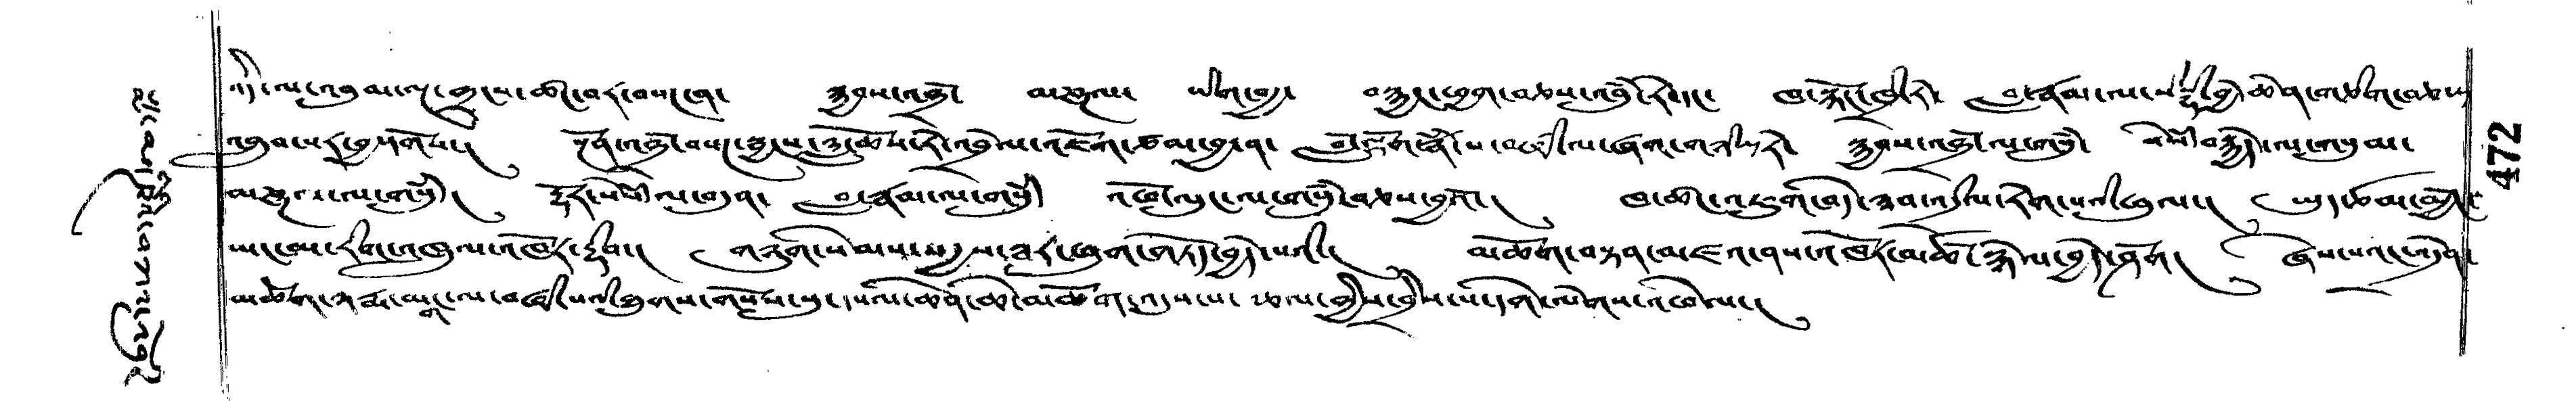འདི་ལ་འབུམ་ལྔ་གྲངས་ཚང་བར་གསོག་ན། སྐྱབས་འགྲོ། མཎྜལ། ཡིག་བརྒྱ། བརྐྱངས་ཕྱག་བཅས་འབུམ་རེ་དང་།ཁ་སྐོང་ཁྲི་རེ། བླ་རྣལ་ལ་སིདྡྷི་བྱེ་ཆེན་གཅིག་བཅས་
འགྲུབ་པར་བྱ་དགོས། སྔོན་འགྲོ་བསགས་སྦྱངས་ཟླ་ཆོས་རེ་འབྲེལ་འཇོག་ཙམ་བྱ་ན། བློ་ལྡོག་རྣམ་པ་བཞི་ལ་ཞག་གཉིས་ཏེ། སྐྱབས་འགྲོ་ལ་གསུམ། སེམས་བསྐྱེད་ལ་གསུམ། 
མཎྜལ་ལ་གསུམ། རྡོར་སེམས་ལ་བདུན། བླ་རྣལ་ལ་གསུམ། འཕོ་ལུང་ལ་གསུམ་བཅས་བྱའོ། ཁ་ཚང་འཇུག་བདེ་ཟབ་འདྲིལ་རེག་པའི་ཕུལ། །ཡུད་ཙམ་མྱོང་
ཡང་མ་རིག་འཁྲུལ་འཁོར་རྡིབ། །གཉུག་སེམས་སངས་རྒྱས་སྦར་ཕུག་གཏོད་བྱེད་པའི། །མཆོག་བསྟན་མཛའ་ནས་འཁོར་མཚོ་སྐེམ་བྱེད་ཤོག ཅེས་པའང་འདྲེན་
མཆོག་ཀརྨ་མངྒ་ལ་བཞི་པའི་ཐུགས་གསོས་སུ་དཔལ་ཆེན་ཆེ་མཆོག་འདུས་པ་རྩལ་གྱིས་བྲིས་པ་དགེ་ལེགས་འཕེལ།། མངྒ་ལམ།།